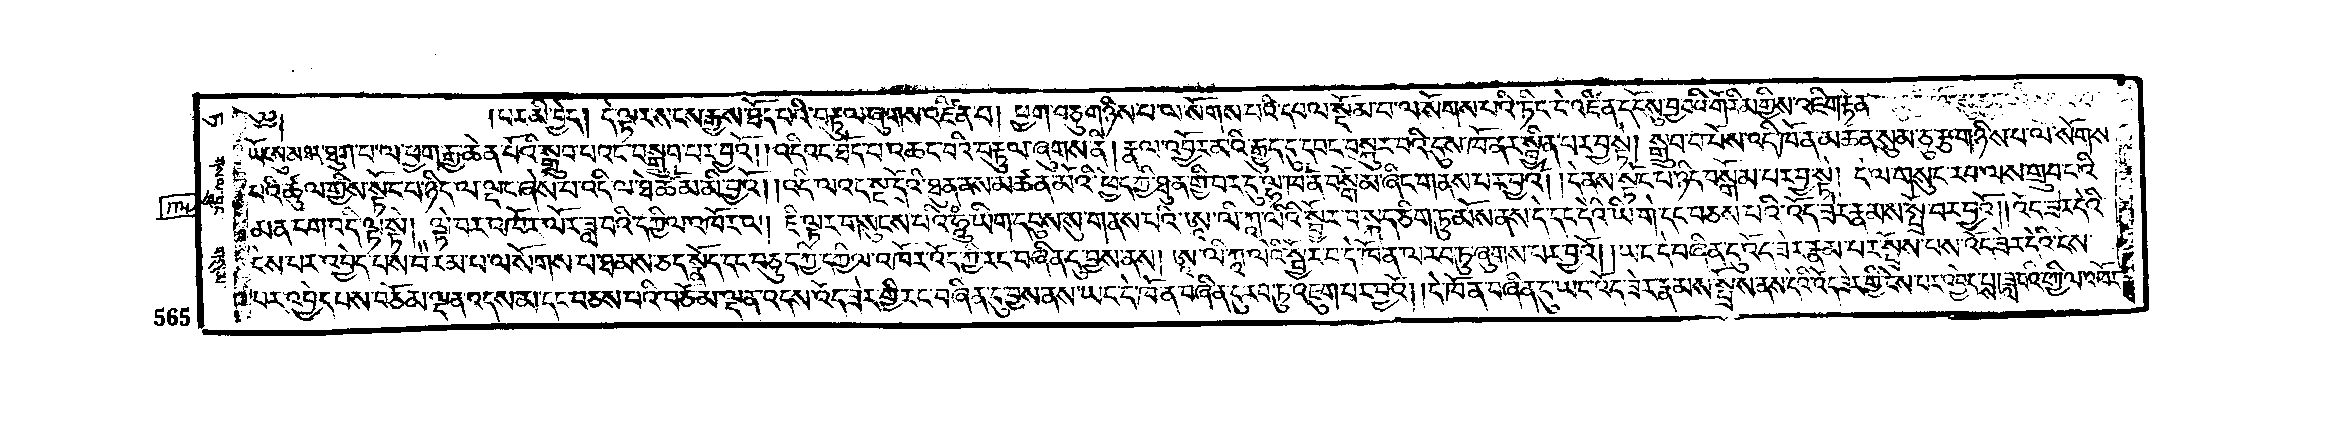༄༅། །པར་མི་བྱེད། དེ་ལྟར་སངས་རྒྱས་ཐོད་པའི་བརྟུལ་ཞུགས་འཛིན་པ། ཕྱག་བཅུ་གཉིས་པ་ལ་སོགས་པའི་དཔལ་སྡོམ་པ་ལ་སོགས་པའི་ཏིང་ངེ་འཛིན་དངོས་སུ་བྱ་བའི་གོ་རིམ་གྱིས་འཇིག་རྟེན་གསུམ་གྱི་ཁོངས་སུ་ཆུད་པའི་སྒྲུབ་པ་དང་
ཡོངས་སུ་མཐར་ཐུག་པ་ལ་ཕྱག་རྒྱ་ཆེན་པོའི་སྒྲུབ་པའང་བསྒྲུབ་པར་བྱའོ། །འདིའང་ཐོད་པ་འཆང་བའི་བརྟུལ་ཞུགས་ནི། རྣལ་འབྱོར་མའི་རྒྱུད་དུ་དབང་བསྐུར་བའི་དུས་ཁོ་ནར་སྦྱིན་པར་བྱ་སྟེ། སྒྲུབ་པ་པོས་འདི་ཁོ་ན་མཚན་སུམ་ཅུ་རྩ་གཉིས་པ་ལ་སོགས་
པའི་ཚུལ་གྱིས་སྟོང་པ་ཉིད་ལ་ལྡང་ཞེས་པ་འདི་ལ་ཐེ་ཚོམ་མི་བྱའོ། །འདི་ལའང་སྔ་དྲོའི་ཐུན་ནས་མཚན་མོའི་ཕྱེད་ཀྱི་ཐུན་གྱི་བར་དུ་ལྷ་ཁོ་ན་བསྒོམ་ཞིང་གནས་པར་བྱའོ། །དེ་ནས་སྟོང་པ་ཉིད་བསྒོམ་པར་བྱ་སྟེ། དེ་ལ་གསུང་རབ་ལས་གྲུབ་པའི་
མན་ངག་འདི་ལྟ་སྟེ། ལྟེ་བར་འཁོར་ལོར་ཟླ་བའི་དཀྱིལ་འཁོར་ལ། ཇི་ལྟར་གསུངས་པའི་ཧཱུཾ་ཡིག་དབུས་སུ་གནས་པའི་ཨཱ་ལི་ཀཱ་ལིའི་སྦྱོར་བ་སྐད་ཅིག་ཏུ་མོས་ནས་དེ་དང་དེའི་ཡི་གེ་དང་བཅས་པའི་འོད་ཟེར་རྣམས་སྤྲོ་བར་བྱའོ། །འོད་ཟེར་དེའི་
ངེས་པར་འབྱེད་པས་བཻ་རམ་པ་ལ་སོགས་པ་ཐམས་ཅད་སྣོད་དང་བཅུད་ཀྱི་དཀྱིལ་འཁོར་འོད་ཀྱི་རང་བཞིན་དུ་བྱས་ནས། ཨཱ་ལི་ཀཱ་ལིའི་སྦྱོར་བ་དེ་ཁོ་ན་ལ་རབ་ཏུ་ཞུགས་པར་བྱའོ། །ཡང་དེ་བཞིན་དུ་འོད་ཟེར་རྣམ་པར་སྤྲོས་པས་འོད་ཟེར་དེའི་ངེས་
བར་འབྱེད་པས་བཅོམ་ལྡན་འདས་མ་དང་བཅས་པའི་བཅོམ་ལྡན་འདས་འོད་ཟེར་གྱི་རང་བཞིན་དུ་བྱས་ནས་ཡང་དེ་ཁོ་ན་བཞིན་དུ་རབ་ཏུ་འཇུག་པར་བྱའོ། །དེ་ཁོ་ན་བཞིན་དུ་ཡང་འོད་ཟེར་རྣམས་སྤྲོས་ནས་དེའི་འོད་ཟེར་གྱི་ངེས་པར་འབྱེད་པས། ཟླ་བའི་དཀྱིལ་འཁོར་